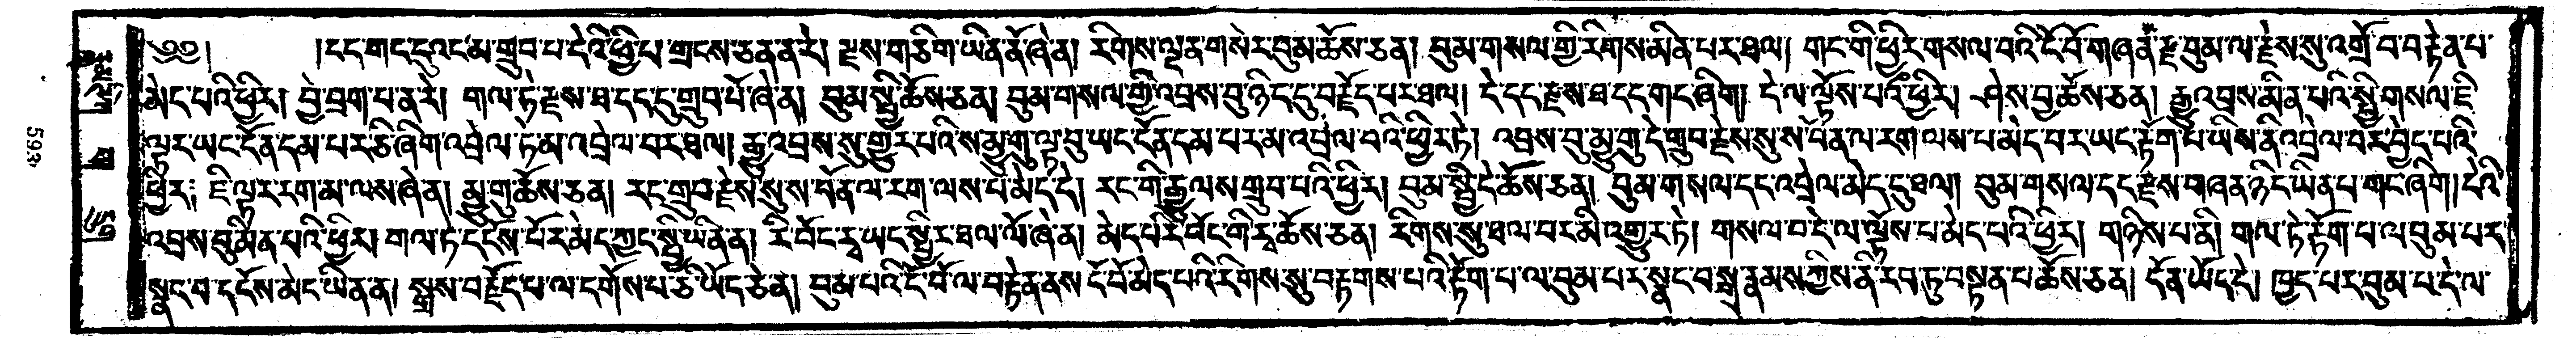༄༅། །ངད་གང་དུའང་མ་གྲུབ་པ་དེའི་ཕྱི་པ་གྲངས་ཅན་ན་རེ། རྫས་གཅིག་ཡིན་ནོ་ཞེ་ན། རིགས་ལྡན་གསེར་བུམ་ཆོས་ཅན། བུམ་གསལ་གྱི་རིགས་མིན་པར་ཐལ། གང་གི་ཕྱིར་གསལ་བའི་ངོ་བོ་གཞན་རྫ་བུམ་ལ་རྗེས་སུ་འགྲོ་བ་བརྟེན་པ་
མེད་པའི་ཕྱིར། བྱེ་བྲག་པ་ན་རེ། གལ་ཏེ་རྫས་ཐ་དད་དུ་གྲུབ་པོ་ཞེ་ན། བུམ་སྤྱི་ཆོས་ཅན། བུམ་གསལ་གྱི་འབྲས་བུ་ཉིད་དུ་བརྗོད་པར་ཐལ། དེ་དང་རྫས་ཐ་དད་གང་ཞིག། དེ་ལ་ལྟོས་པའི་ཕྱིར། ཤེས་བྱ་ཆོས་ཅན། རྒྱུ་འབྲས་མིན་པའི་སྦྱི་གསལ་ཇི་
ལྟར་ཡང་དོན་དམ་པར་ཅི་ཞིག་འབྲེལ་ཏེ་མ་འབྲེལ་པར་ཐལ། རྒྱུ་འབྲས་སུ་གྱུར་པའི་ས་མྱུ་གུ་ལྟ་བུ་ཡང་དོན་དམ་པར་མ་འབྲེལ་པའི་ཕྱིར་ཏེ། འབྲས་བུ་མྱུ་གུ་དེ་གྲུབ་རྗེས་སུ་ས་བོན་ལ་རག་ལས་པ་མེད་པར་ཡང་རྟོག་པ་ཡིས་ནི་འབྲེལ་བར་བྱེད་པའི་
ཕྱིར༑ ཇི་ལྟར་རག་མ་ལས་ཞེ་ན། མྱུ་གུ་ཆོས་ཅན། རང་གྲུབ་རྗེས་སུ་ས་བོན་ལ་རག་ལས་པ་མེད་དེ། རང་གི་རྒྱུ་ལས་གྲུབ་པའི་ཕྱིར། བུམ་སྤྱི་དེ་ཆོས་ཅན། བུམ་གསལ་དང་འབྲེལ་མེད་དུ་ཐལ། བུམ་གསལ་དང་རྫས་གཞན་ཉིད་ཡིན་པ་གང་ཞིག། དེའི་
འབྲས་བུ་མིན་པའི་ཕྱིར། གལ་ཏེ་དངོས་པོར་མེད་ཀྱང་སྦྱི་ཡིན་ན། རི་བོང་རྭ་ཡང་སྤྱིར་ཐལ་ལོ་ཞེ་ན། མེད་པ་རི་བོང་གི་རྭ་ཆོས་ཅན། རིགས་སུ་ཐལ་བར་མི་འགྱུར་ཏེ། གསལ་བ་དེ་ལ་ལྟོས་པ་མེད་པའི་ཕྱིར། གཉིས་པ་ནི། གལ་ཏེ་རྟོག་པ་ལ་བུམ་པར་
སྣང་བ་དངོས་མེད་ཡིན་ན། སྒྲས་བརྗོད་པ་ལ་དགོས་པ་ཅི་ཡོད་ཅེ་ན། བུམ་པའི་ངོ་བོ་ལ་བརྟེན་ནས་ངོ་བོ་མེད་པའི་རིགས་སུ་བརྟགས་པའི་རྟོག་པ་ལ་བུམ་པར་སྣང་བསྒྲ་རྣམས་ཀྱིས་ནི་རབ་ཏུ་བསྟན་པ་ཆོས་ཅན། དོན་ཡོད་དེ། ཁྱད་པར་བུམ་པ་དེ་ལ་